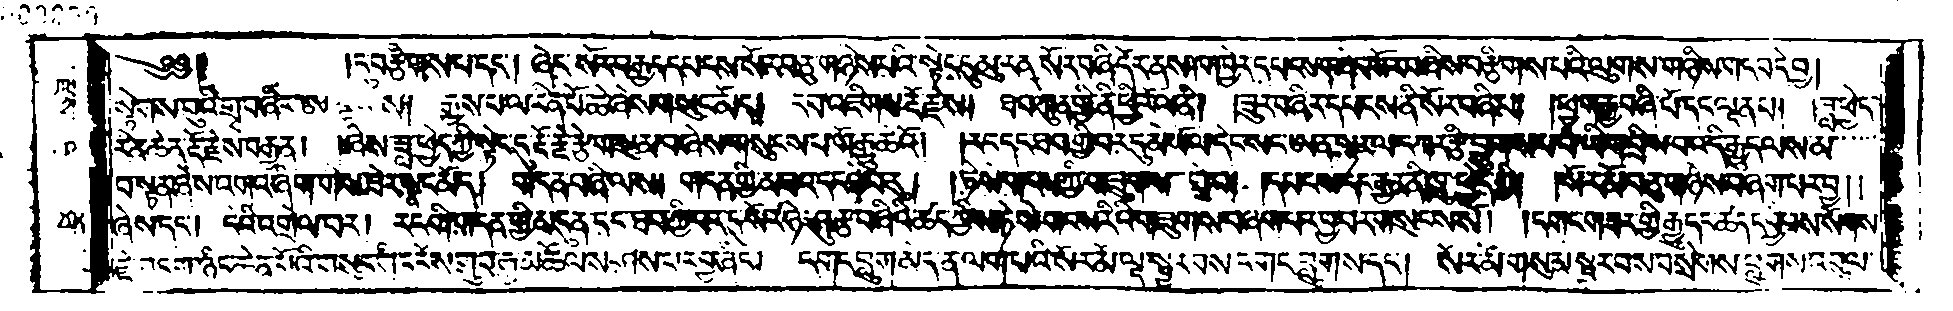༄༅། །དུ་བརྩིགས་པ་དང་། ཞེང་སོར་བརྒྱད་དཔངས་སོར་བཅུ་གཉིས་པའི་སྟེང་དུ་མུ་རན་སོར་བཞི་དོར་ནས་ཁ་ཁྱེར་དཔངས་དང་ཞེང་སོར་བཞིས་བརྩིགས་པའི་ལུགས་གཉིས་གང་བདེ་བྱ།
སྟེགས་བུའི་གྲྭ་བཞིར་ཨ་བྷ་ཡས། རྒྱས་པ་ལ་རིན་པོ་ཆེ་ཞེས་གསུང་མོད། རབ་འཇིགས་རྡོ་རྗེས། ཐབ་ཀུན་གྱི་ནི་ཕྱི་རོལ་ནི། །ཟུར་བཞིར་དཔངས་ནི་སོར་བཞི་པ། །ཕྱག་རྒྱ་བཞི་པོ་དང་ལྡན་པ། །ཟླ་ཕྱེད་
རིན་ཆེན་རྡོ་རྗེས་བརྒྱན། །ཞེས་ཟླ་ཕྱེད་ཀྱི་སྟེང་དུ་རྡོ་རྗེ་རྩེ་གསུམ་པ་ཞེས་གསུངས་པ་གོ་རྒྱུ་ཆེའོ། །རང་དང་ཐབ་གྱི་བར་དུ་མེ་ཡོལ་དེང་སང་ཨན་སྟར་ལ་དཀར་རྩི་བྱུགས་པ་བཾ་ཡིག་བྲིས་པ་འདི་རྒྱུད་ལས་མ་
བསྟན་ཞེས་འགའ་ཞིག་གིས་ཟེར་སྣང་མོད། གདན་བཞི་ལས། གདན་གྱི་མཐའ་དང་ཉེ་བ་རུ། །ཏེ་སེ་གངས་ཀྱི་གཟུགས་?་བ། །དཔངས་དང་རྒྱར་ནི་ཁྲུ་ཕྱེད་ཀྱི། །སོར་མོ་བཅུ་གཉིས་བཞག་པར་བྱ། །
ཞེས་དང་། དེའི་འགྲེལ་བར། རང་གི་གདན་གྱི་མདུན་དང་ཐབ་ཀྱི་བར་དུ་སོར་ཉི་ཤུ་རྩ་བཞིའི་ཚད་ཀྱིས་ཏེ་སེ་གངས་རིའི་གཟུགས་བཞག་པར་བྱ་བར་གསུངས་སོ། །དགང་གཟར་གྱི་རྒྱུ་དང་ཚད་དབྱིབས་སོགས་
རྗེ་བདག་ཉིད་ཆེན་པོའི་གསུང་གི་དངོས་གྲུབ་རྒྱ་མཚོ་ལས་ཤེས་པར་བྱ་ཞིང་། དགང་བླུག་མེད་ན་ལག་པའི་སོར་མོ་ལྔ་སྦྱར་བས་དགང་བླུགས་དང་། སོར་མོ་གསུམ་སྦྱར་བས་བསྲེགས་བླུགས་འབུལ་